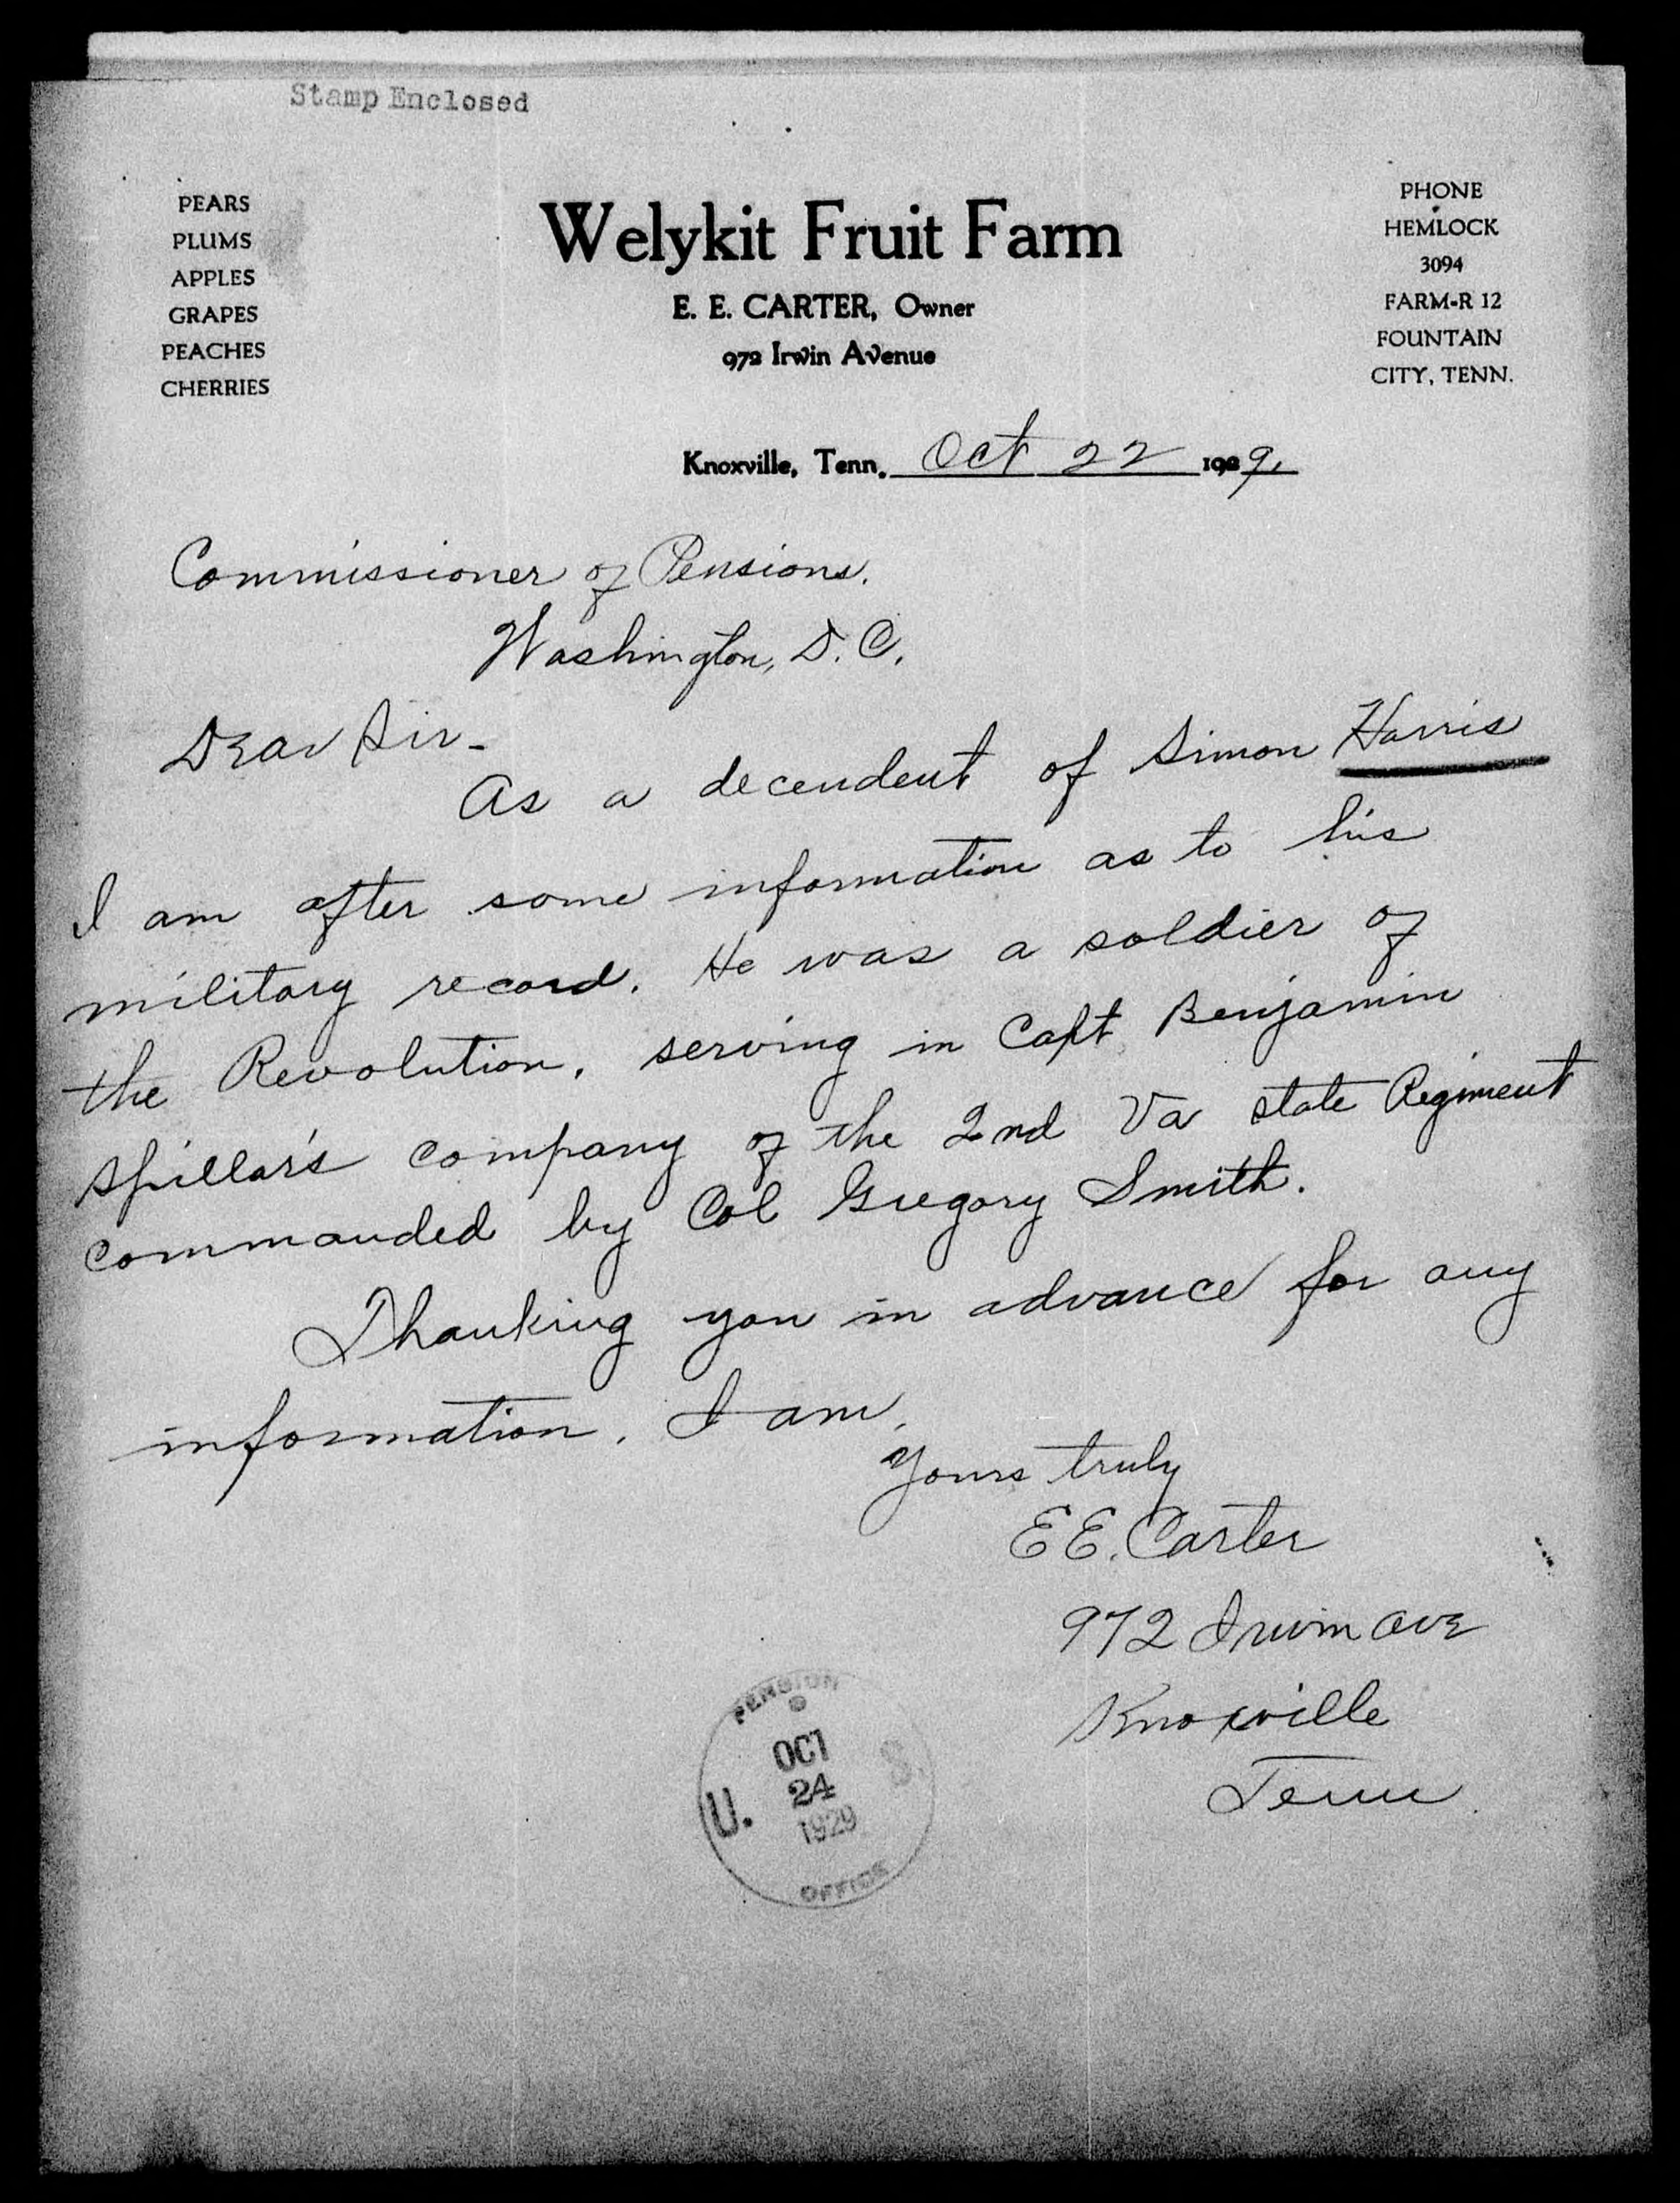Stamp Enclosed

PEARS
PLUMS
APPLES
GRAPES
PEACHES
CHERRIES

Welykit Fruit Farm
E.E. CARTER, Owner
972 Irwin Avenue

PHONE
HEMLOCK
3094
FARM-R 12
FOUNTAIN
CITY, TENN.

Knoxville, Tenn. Oct 22 1929

Commissioner of Pensions
Washington, D.C.

Dear Sir,
As a descendent of Simon Harris I am after some information as to his military record. He was a soldier of the Revolution, serving in Capt. Benjamin [Sphillar's?} company of the 2nd Va state Regiment commanded by Col Gregory Smith. 

Thanking you in advance for any information, I am,

Yours truly
E.E. Carter
972 Irwin Ave
Knoxville
Tenn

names: E E Carter, E E Carter, Simon Harris, Gregory Smith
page: 16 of 24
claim: rejected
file: R. 4684, Simon Harris, Va.